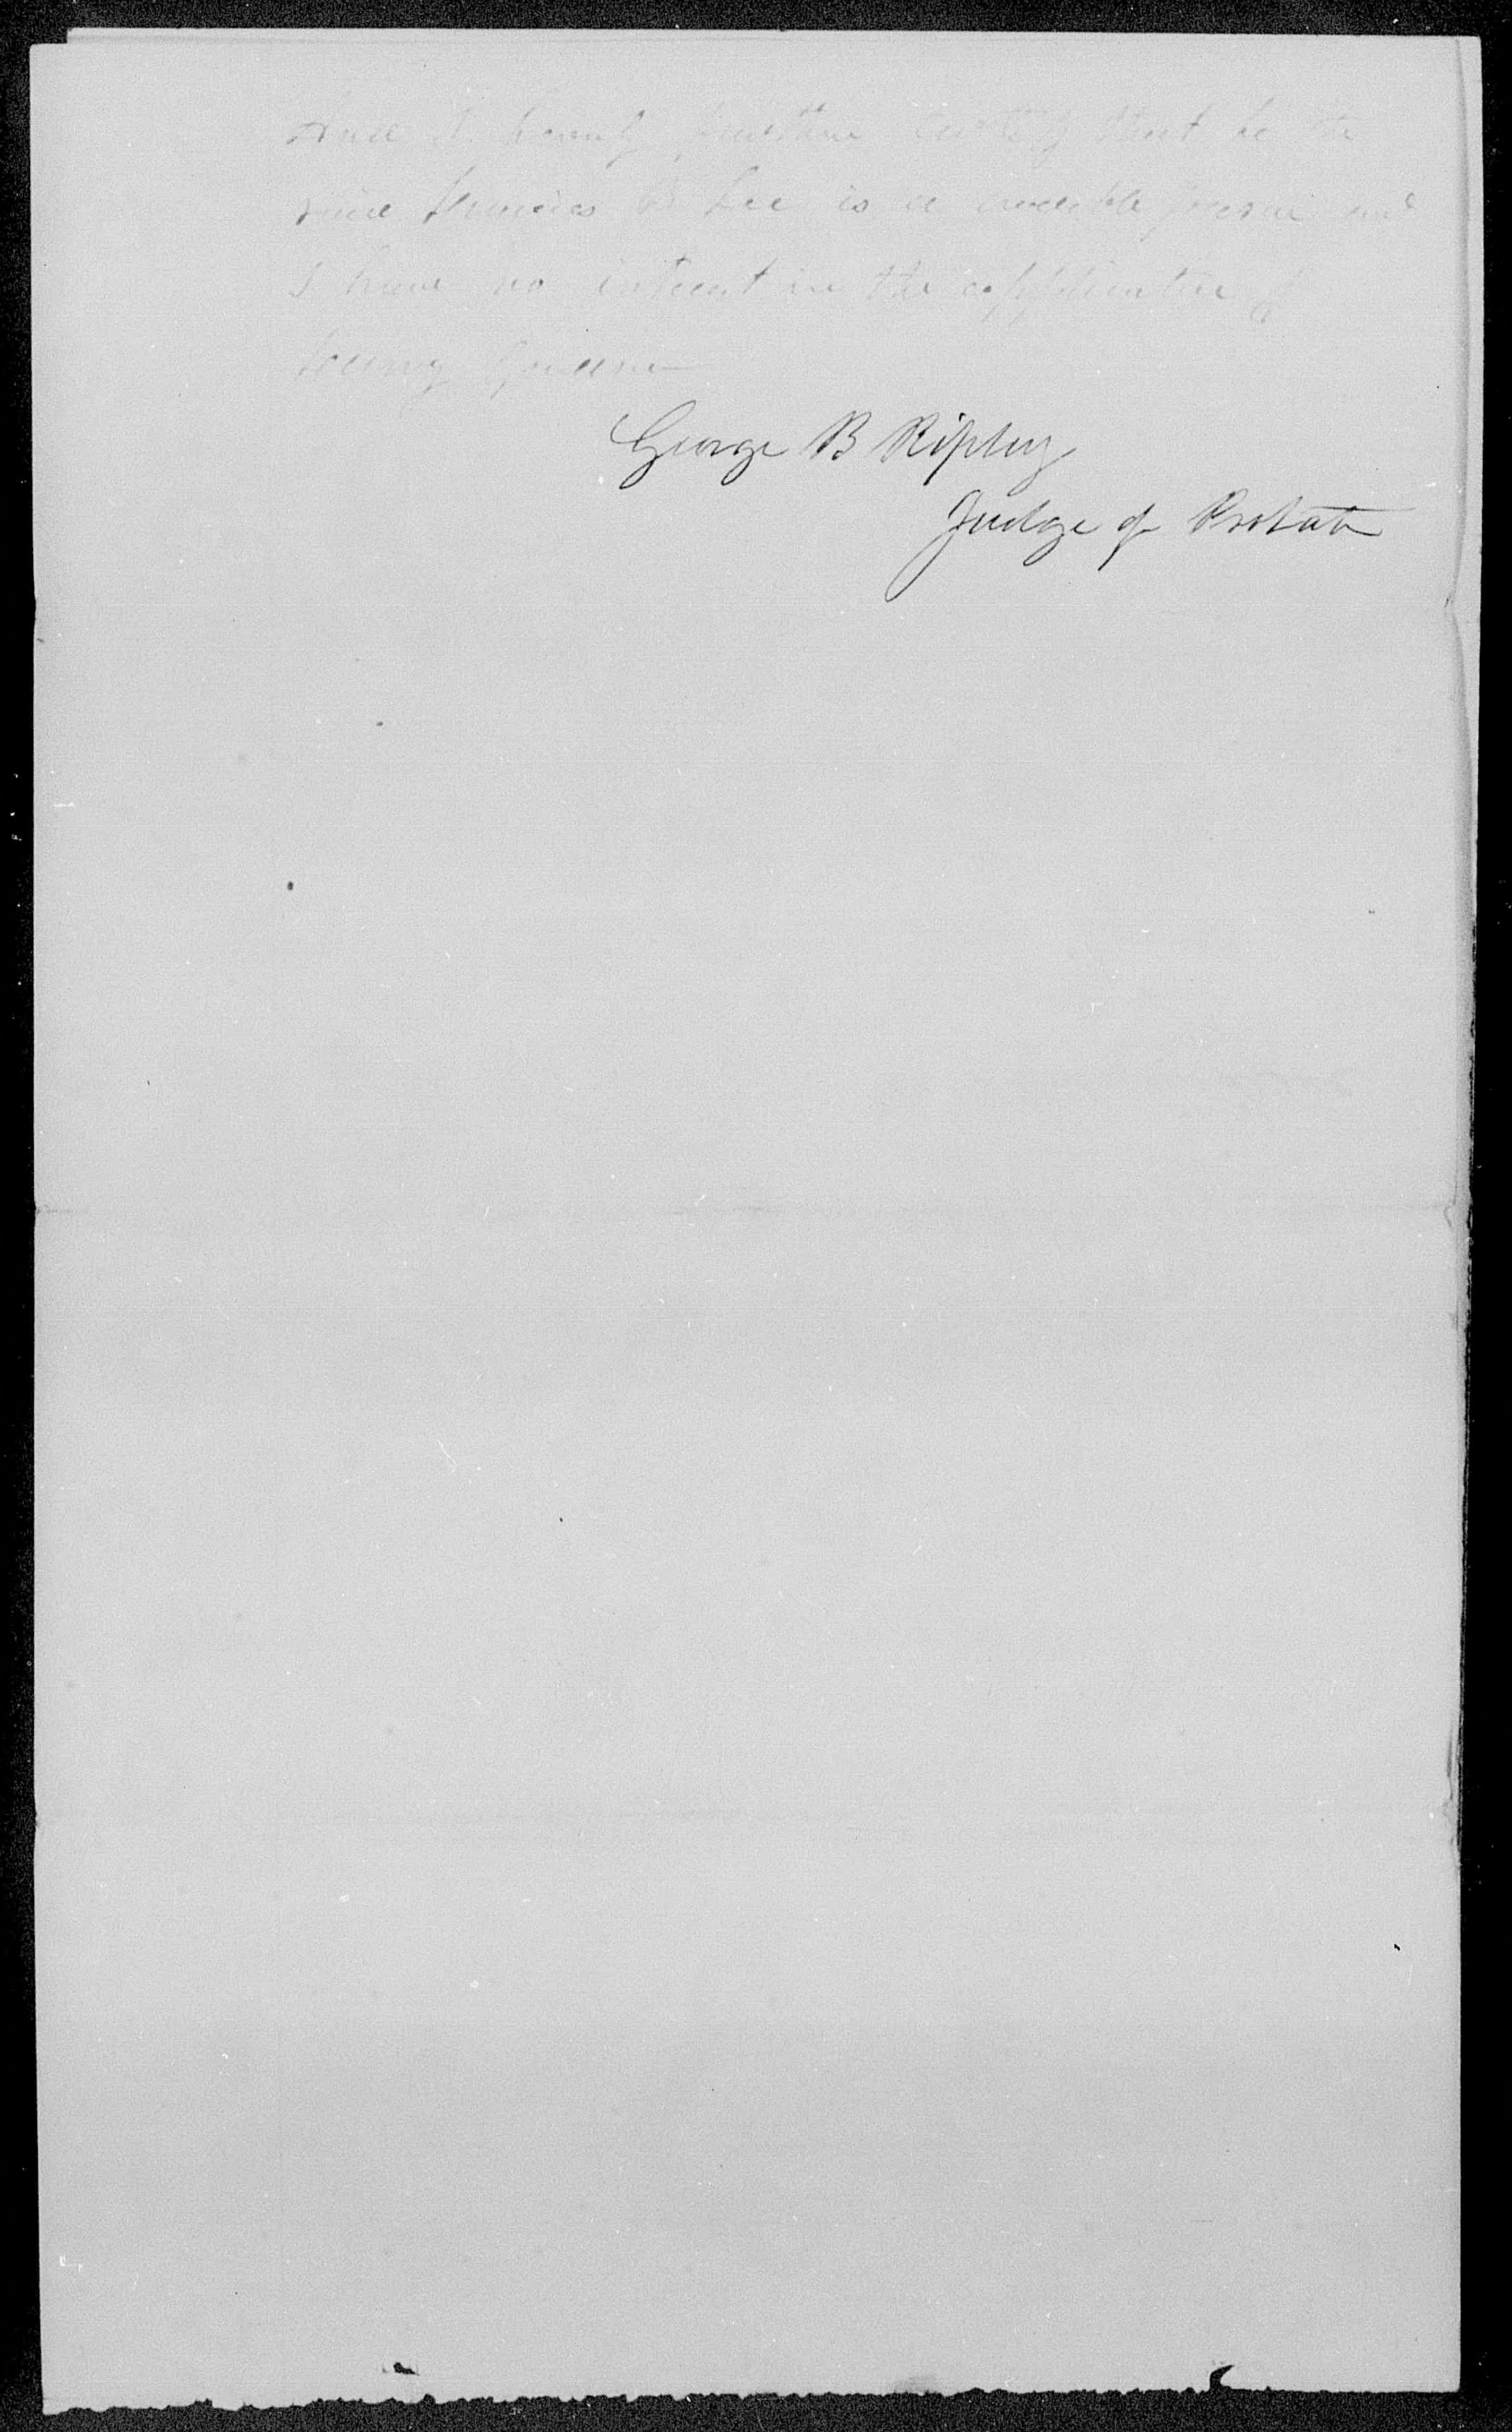And I hereby further certify that he the said Francis B Lee is a credible person and I have no interest in the application of Fanny Gardner.
George B. Ripley
Judge of Probate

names: George B Ripley, Francis B Lee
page: 53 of 66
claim: widow's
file: W 1850, David Gardner, Conn.